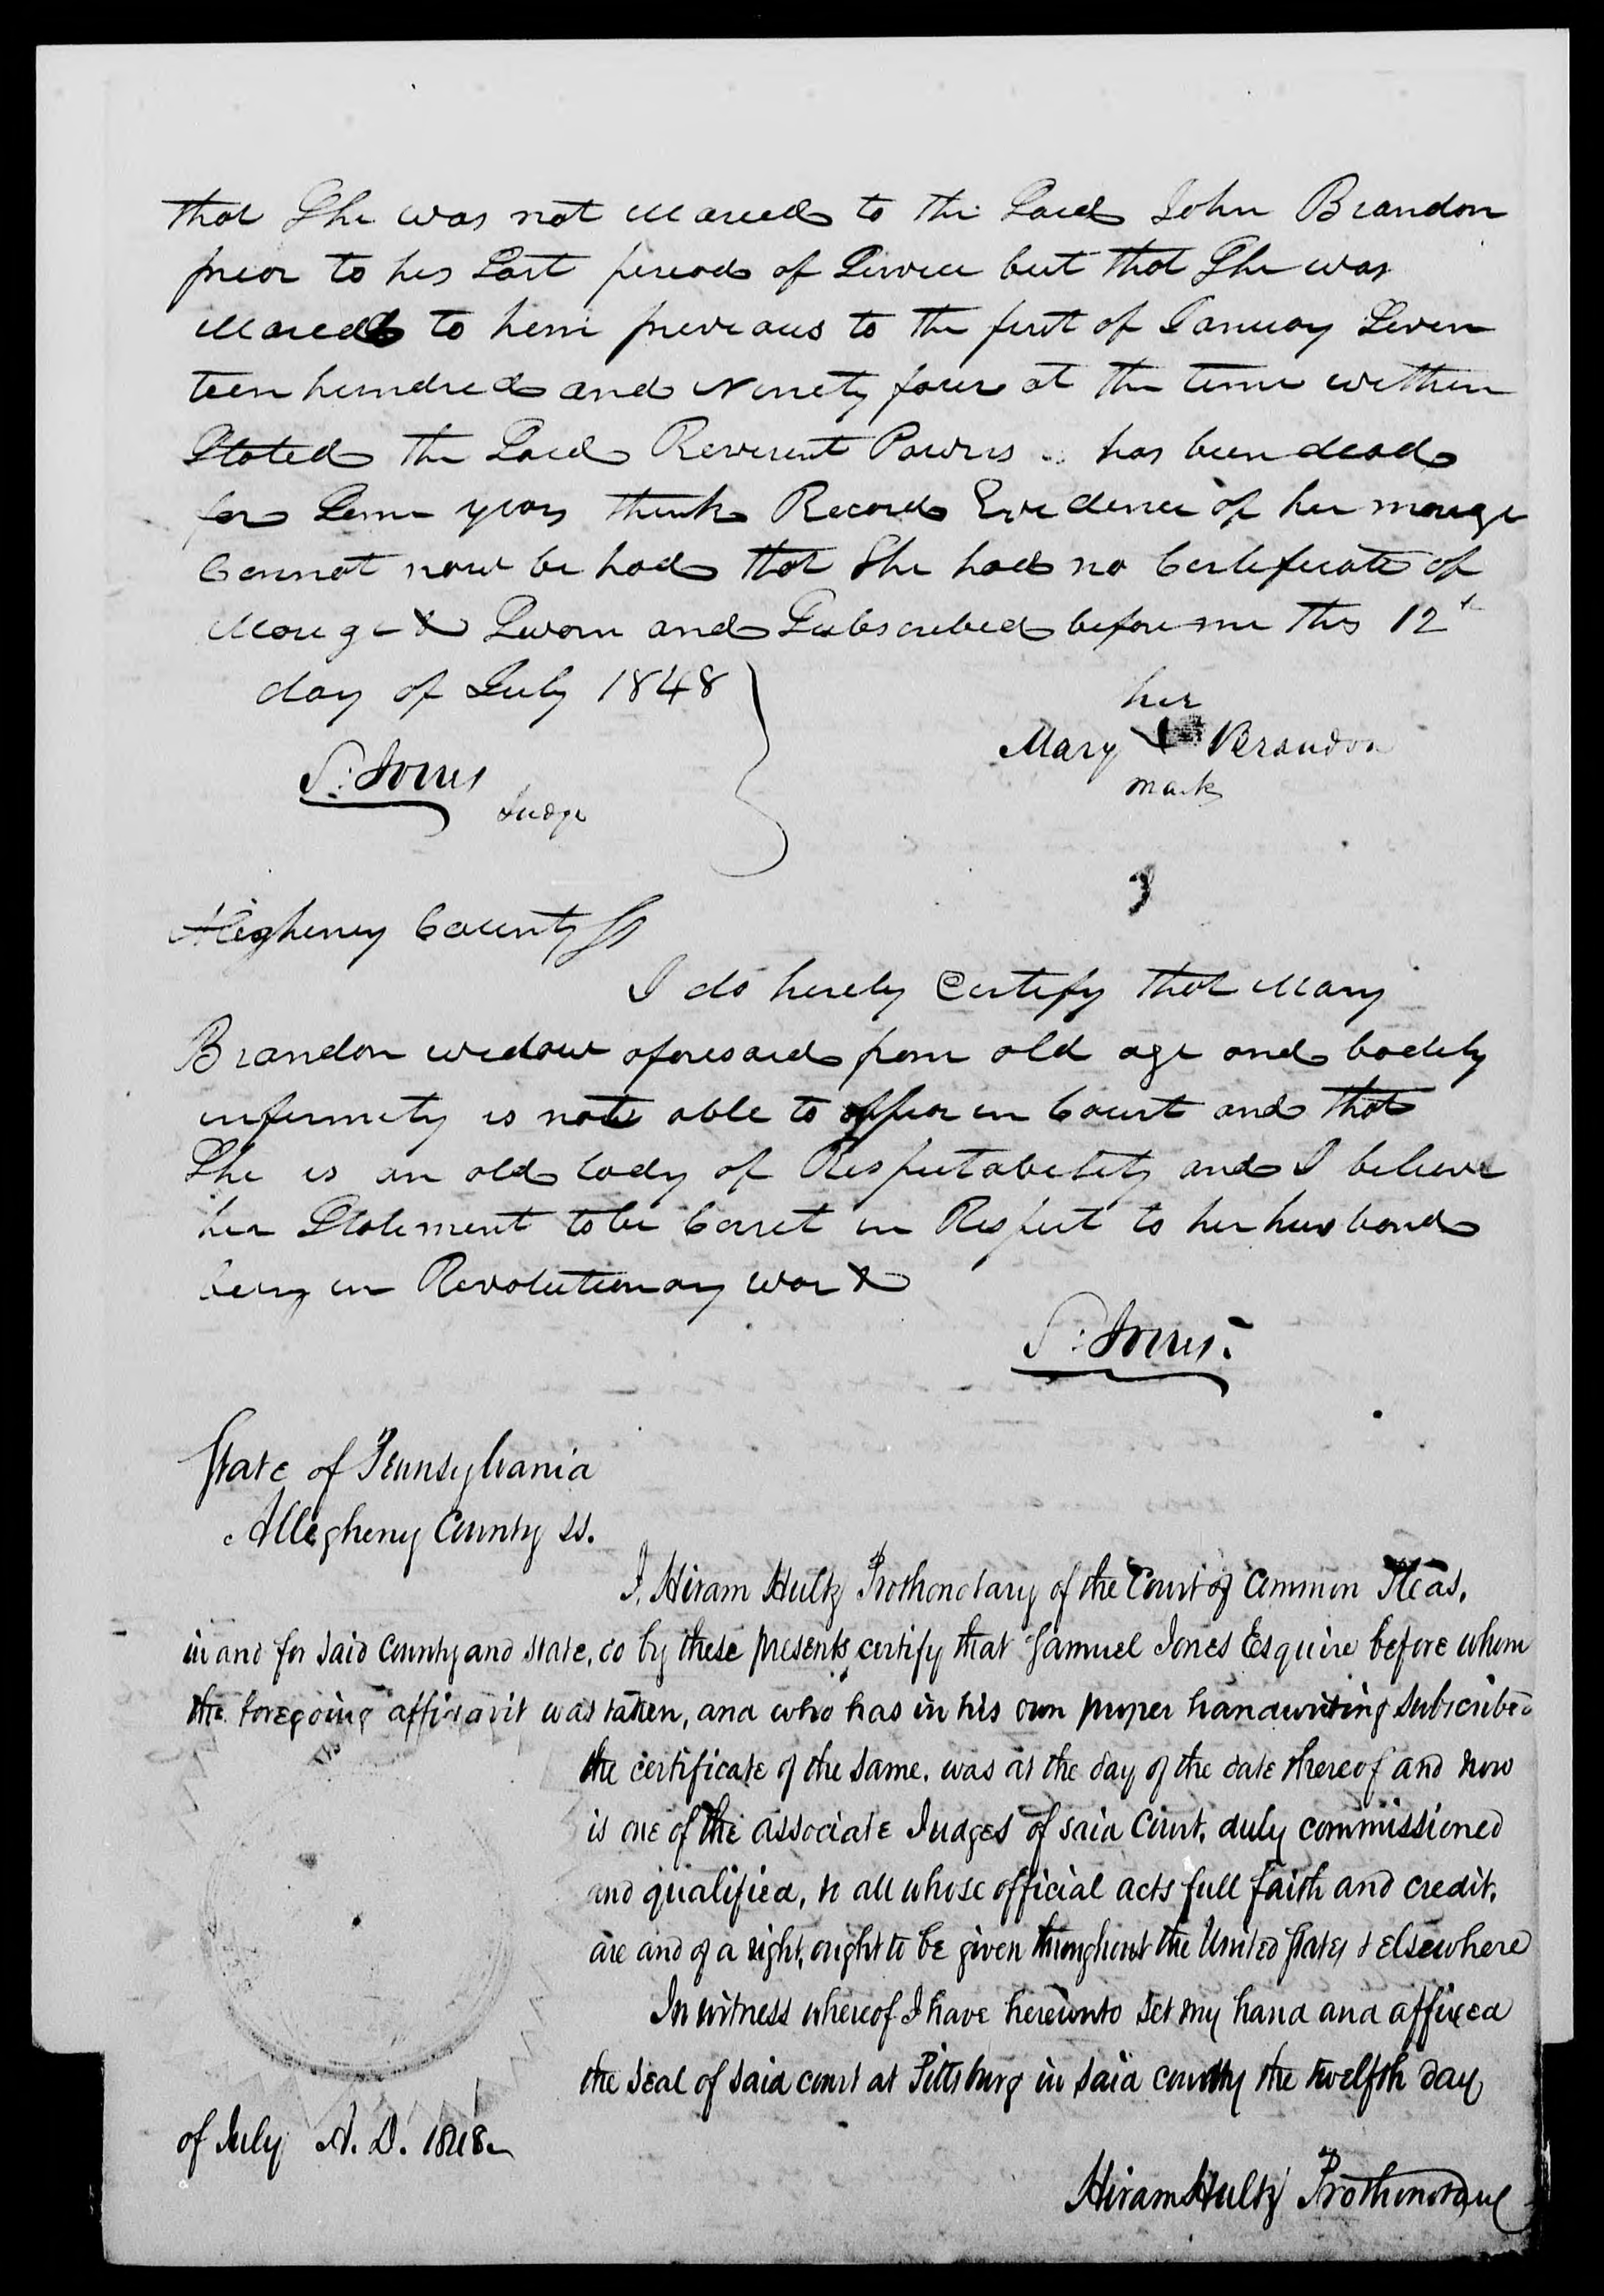that She was not maried to the Said John Brandon prior to his Last period of Service but that She was maried to him previous to the first of January Seven teen hundred and Ninety four at the time within Stated the Said Reverent Powers has been dead for Some years think Record Evidence of her marige cannot now be had that She had no Certificate of marige X Sworn and Subscribed before me the 12 day of July 1848 
S: Jones Judge } Mary her mark Brandon 

Allegheny County ss 
I do hereby Certify that Mary Brandon widow aforesaid from old age and bodily infirmity is not able to appear in Court and that She is an old lady of Respectability and I believe her Statement to be Corret [Correct] in Respect to her husband being in Revolutionary war X
S: Jones 

State of Pennsylvania 
Allegheny County ss. 
I, Hiram Hultz Prothonotary of the Court of Common Pleas, in and for said County and State, do by these presents certify that Samuel Jones Esquire before whom the foregoing affidavit was taken, and who has in his own proper handwriting subscribed the certificate of the same, was at the day of the date thereof and now is one of the associate Judges of said Court, duly commissioned and qualified, to all whose official acts full faith and credit, are and of a right ought to be given throughout the United States & elsewhere 
In witness whereof I have hereunto set my hand and affixed the seal of said court at Pittsburg in said county the twelfth day of July A.D. 1848-
Hiram Hultz Prothonotary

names: John Brandon, S Jones, Powers, Mary Brandon, Mary Brandon, Hiram Hultz Prothonotary, Hiram Hultz Prothonotary, S Jones, Samuel Jones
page: 5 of 83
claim: widow's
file: W. 5946, John Brandon, Penn